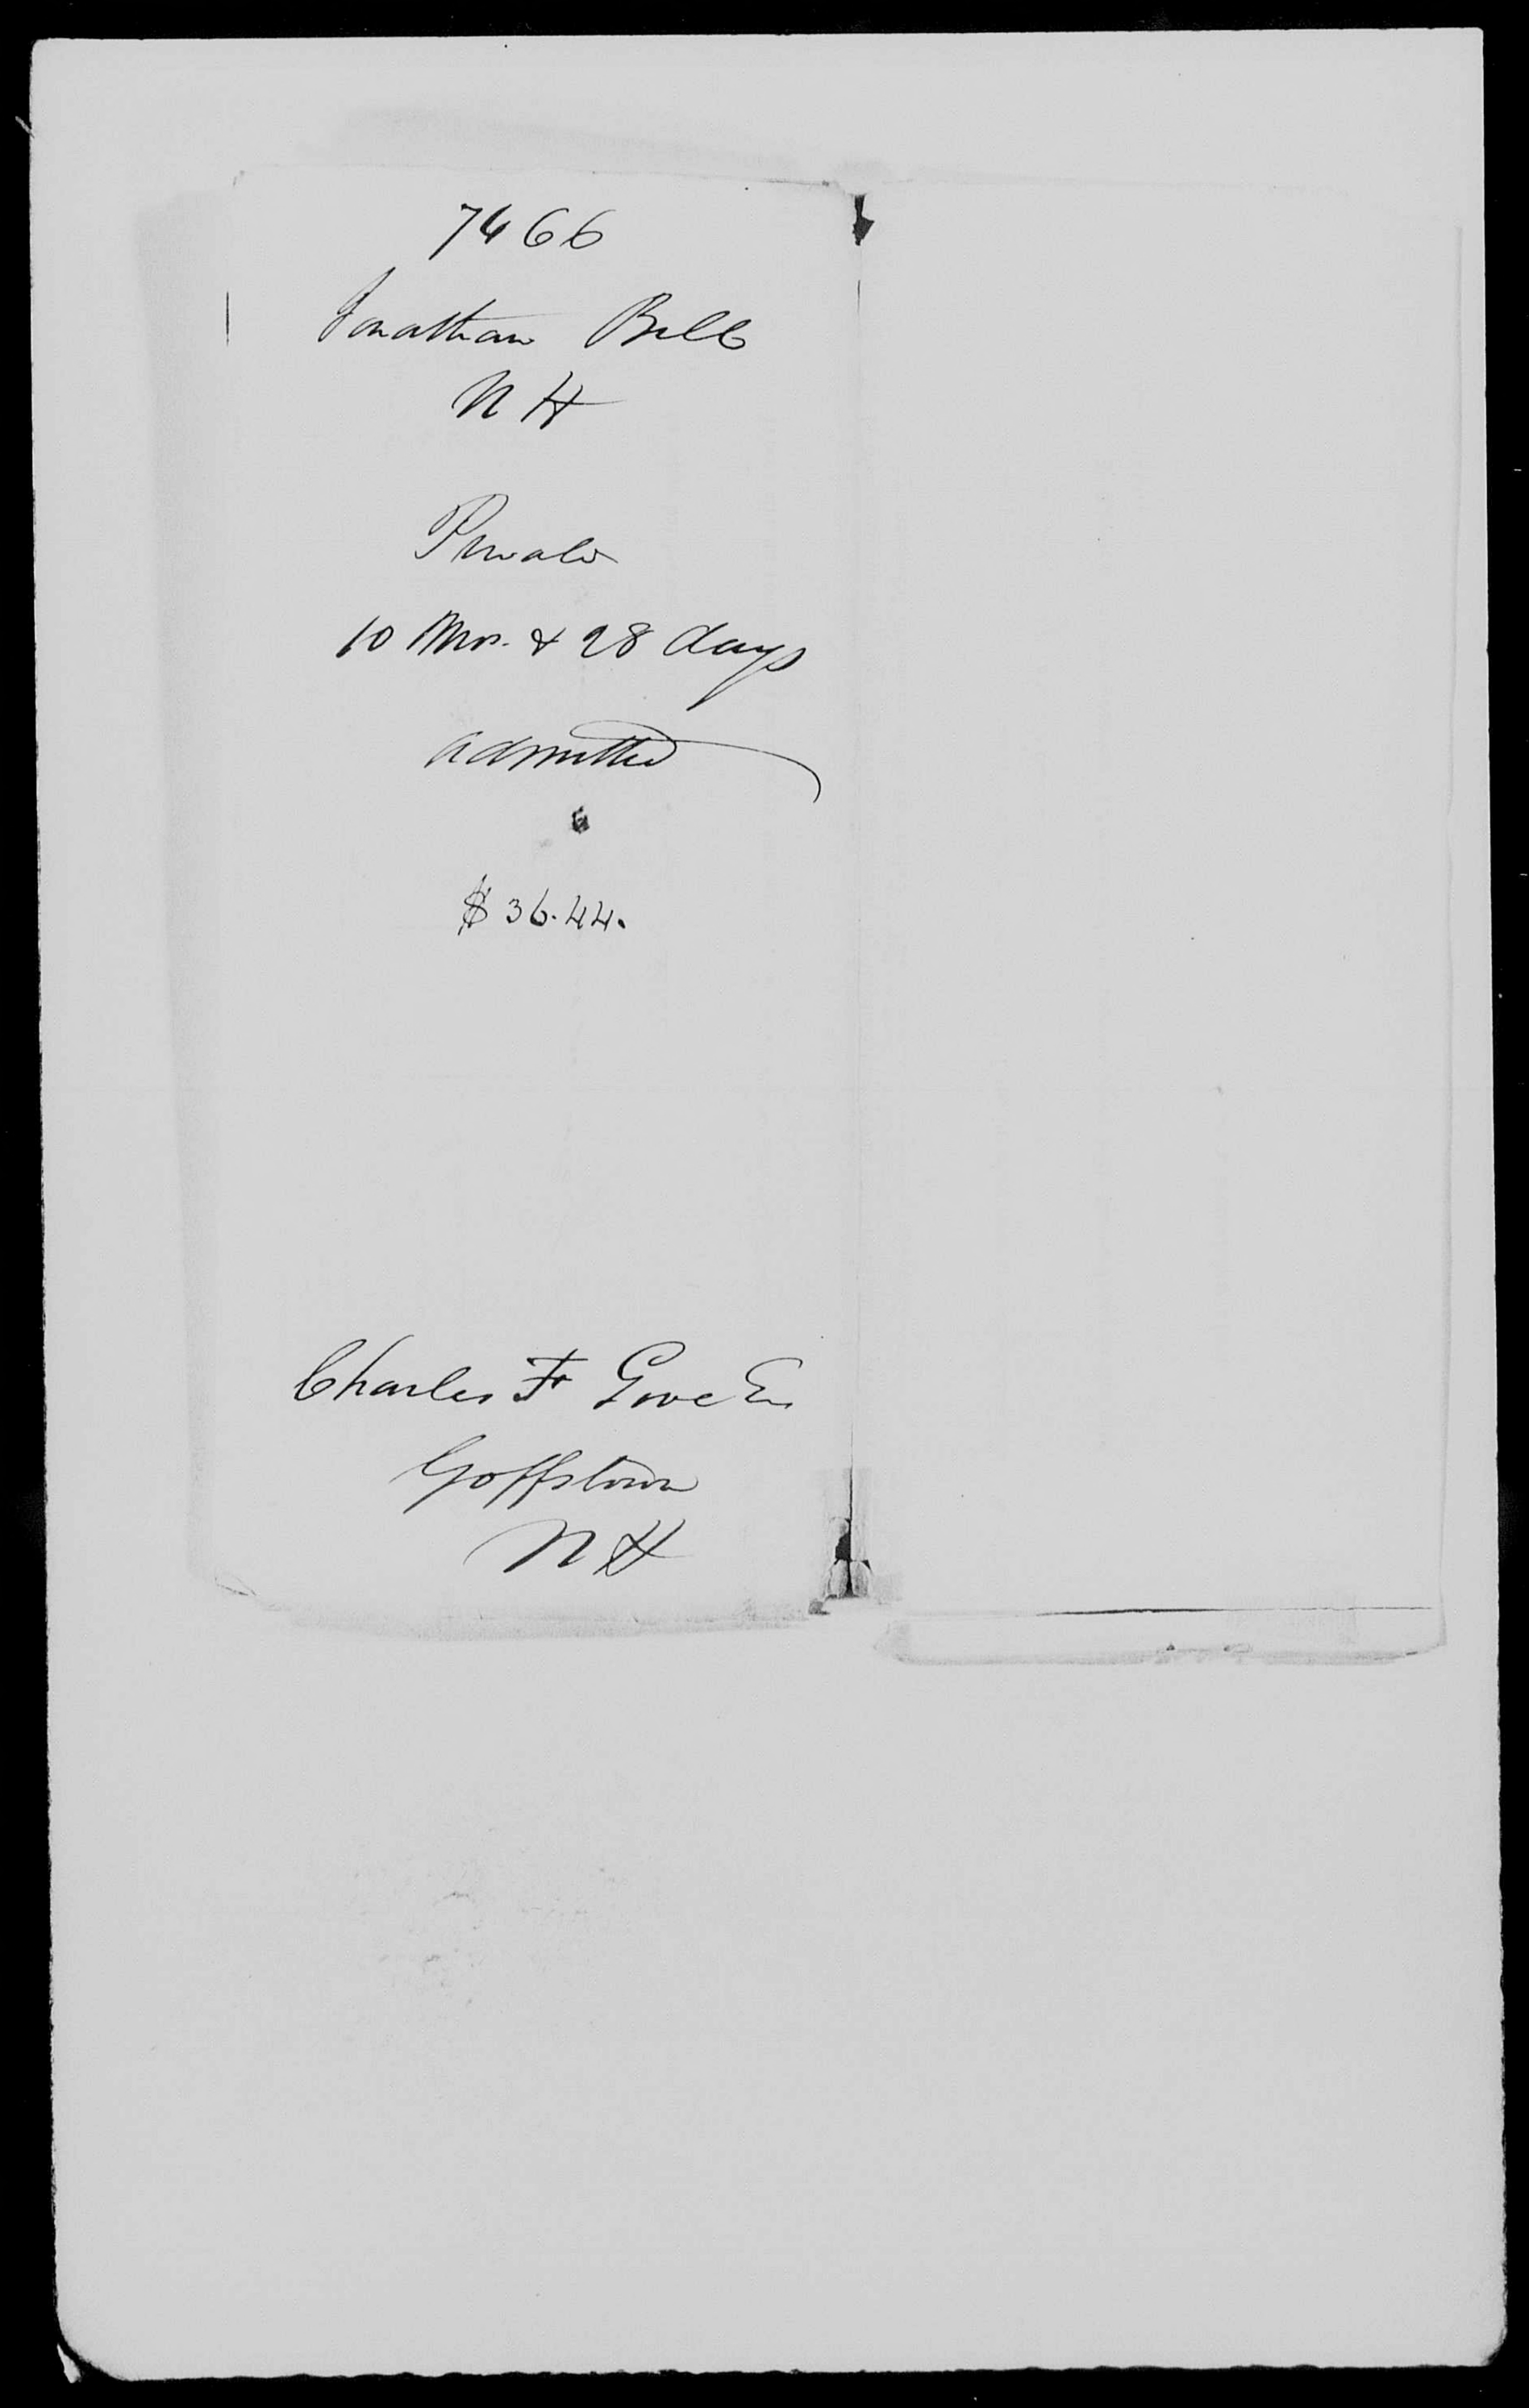7466

Jonathan Bell
NH

Private
10 Mos & 28 days

admitted

$36.44.

Charles F Gove Esq
Goffstown
NH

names: Charles F Gove, Jonathan Bell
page: 3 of 13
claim: survivor's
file: S. 12172, Jonathan Bell, N.H.